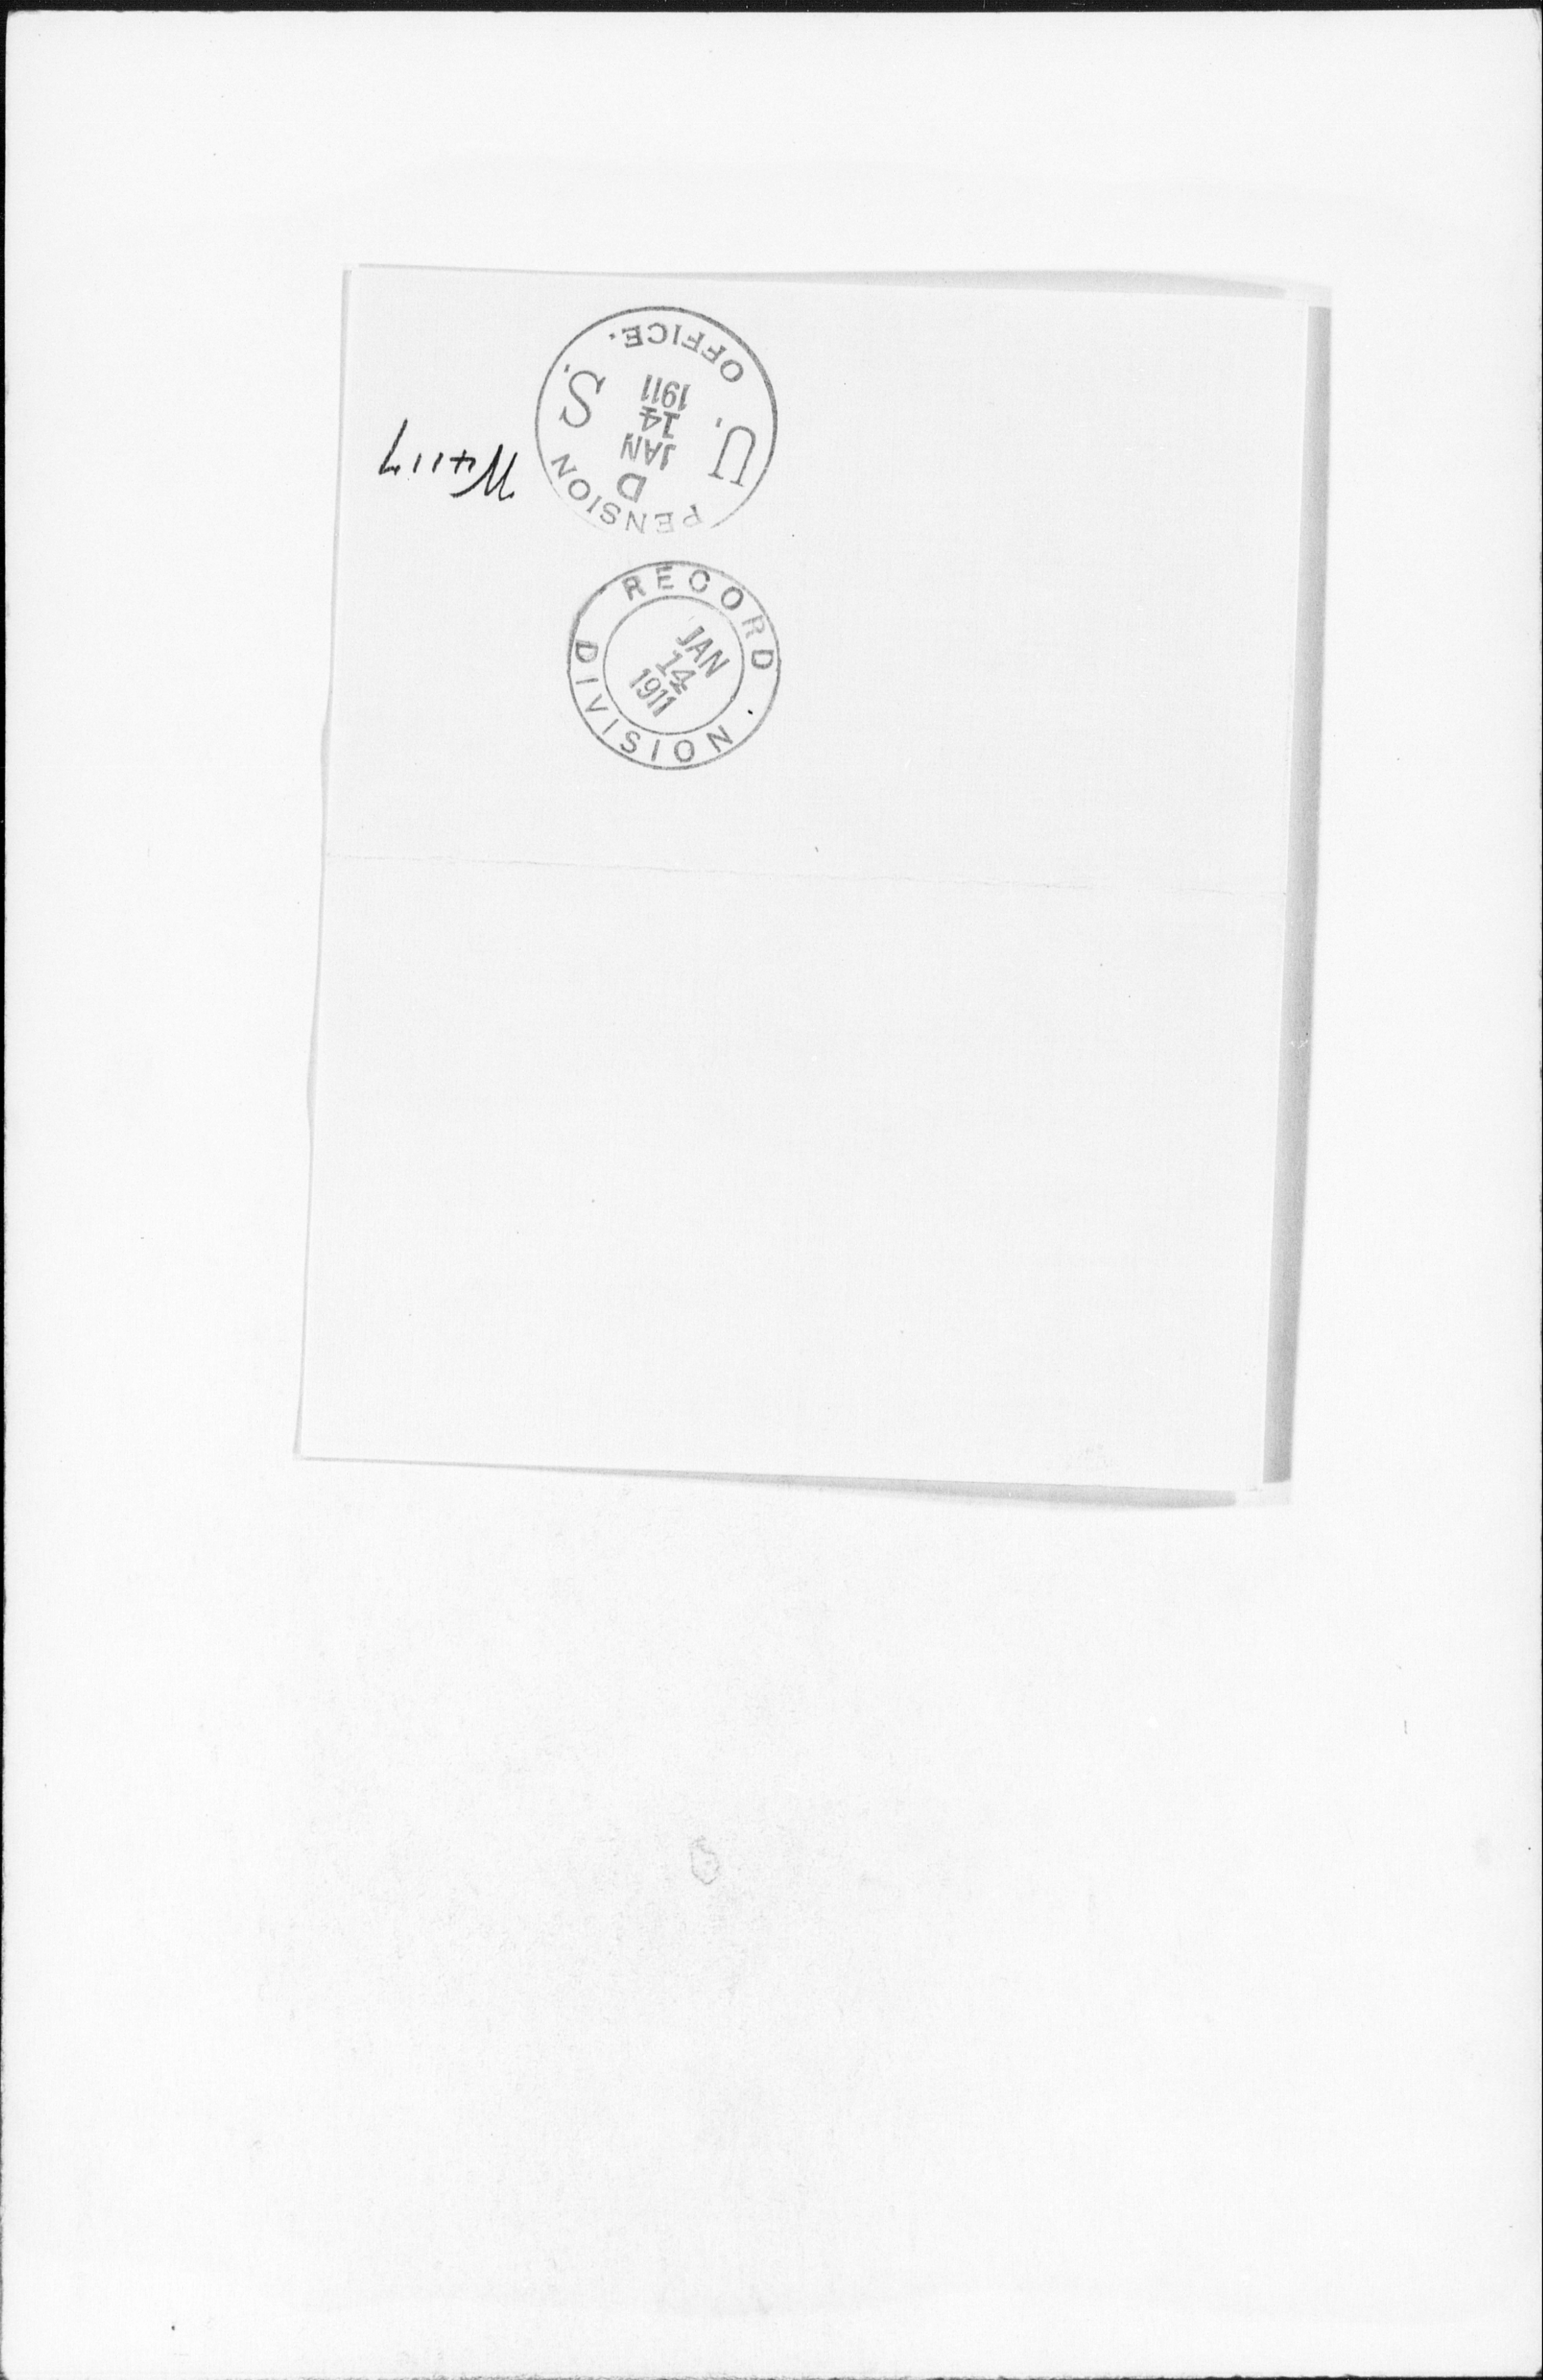U.S. Pension Office JAN 14 1911
Record Division JAN 14 1911
W4117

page: 69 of 78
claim: widow's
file: W. 4117, Nathaniel Bradley, Conn.